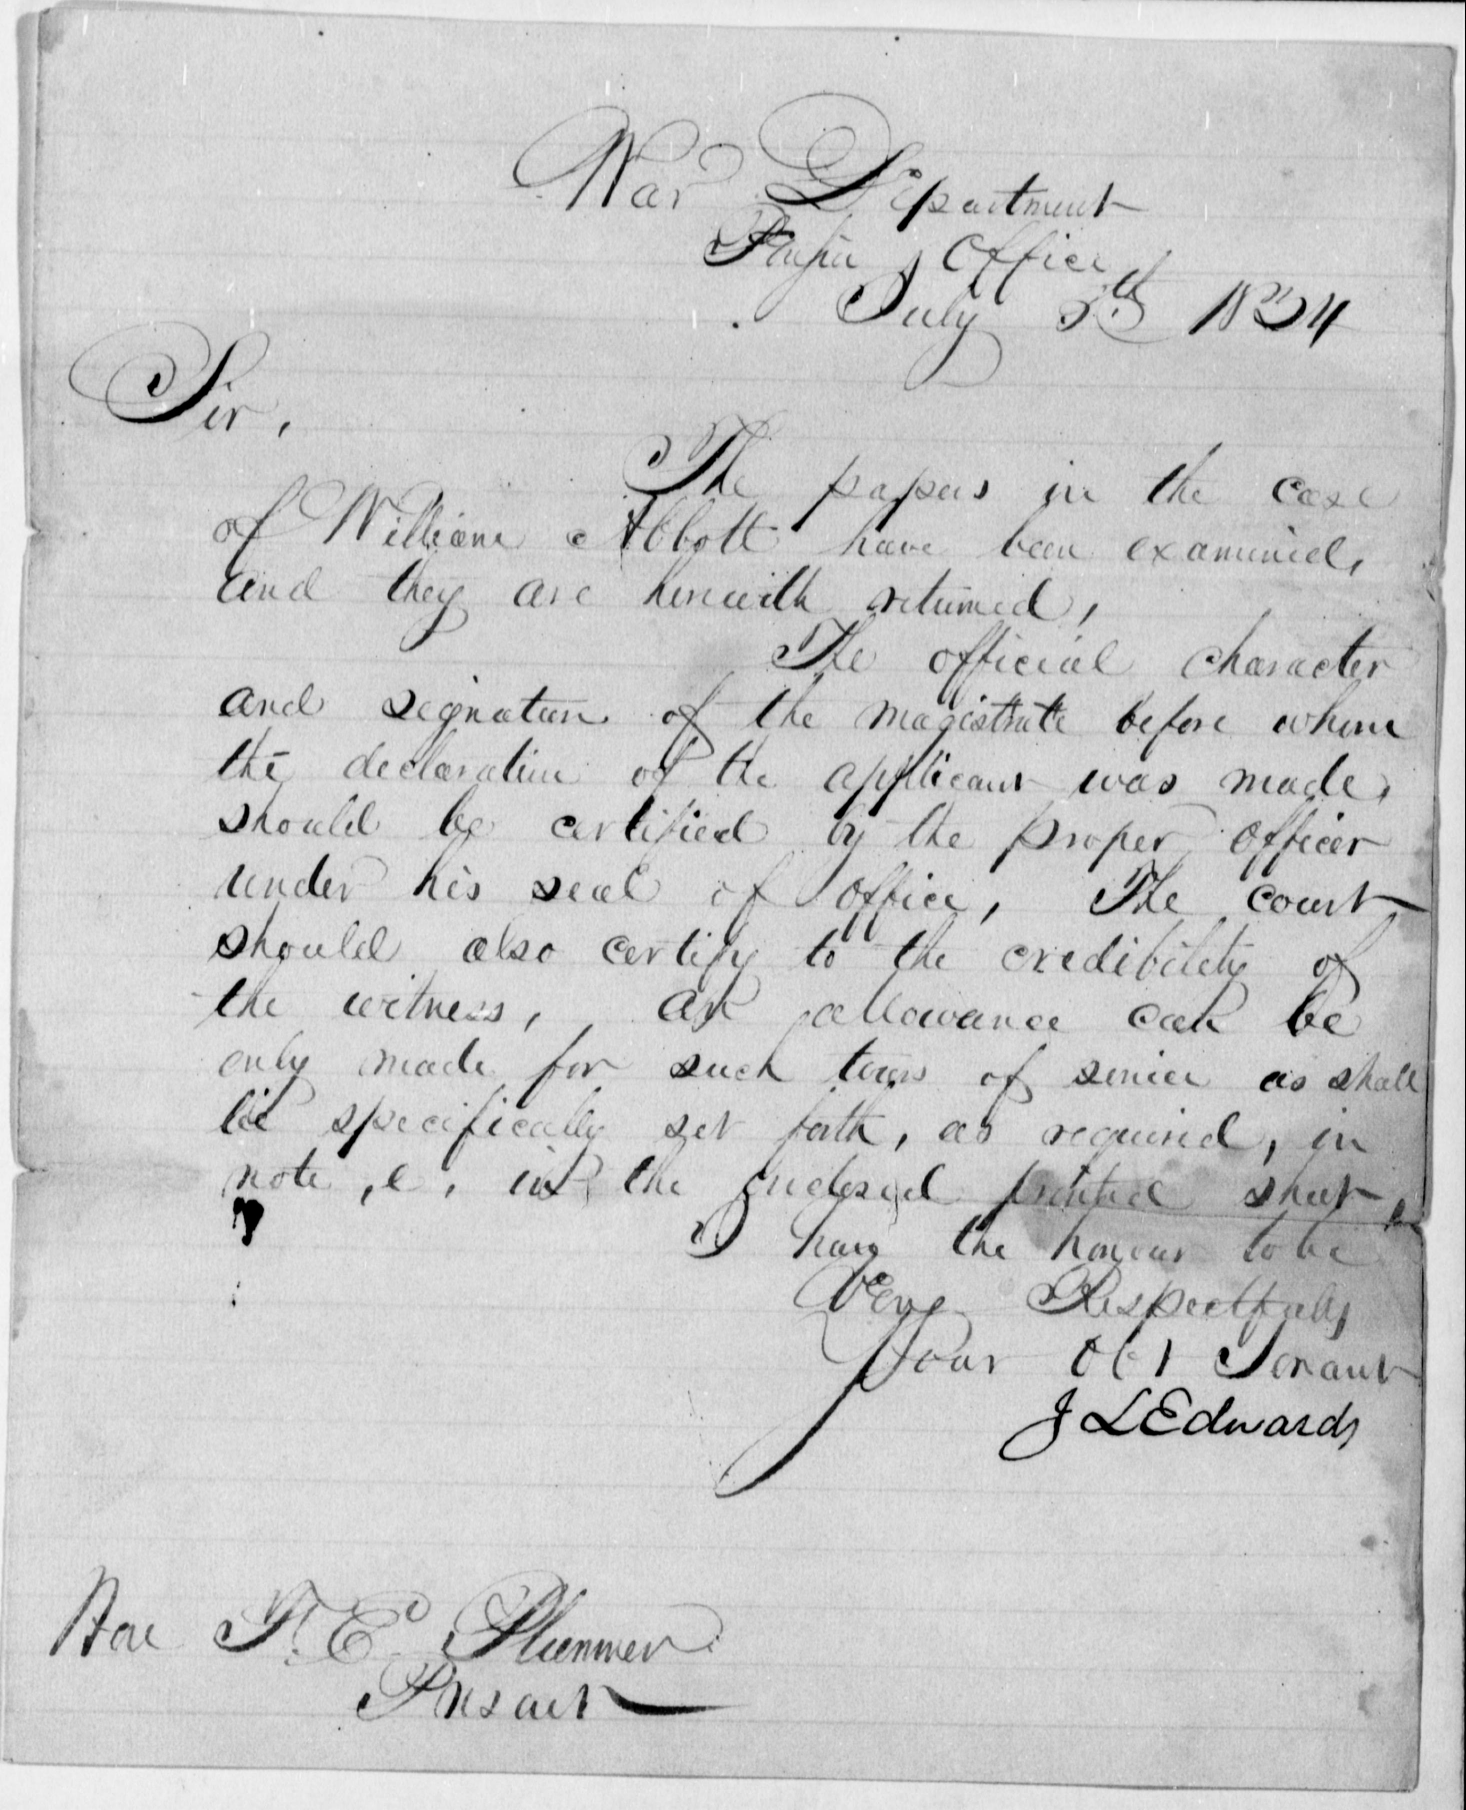War Department
Pension Office
July 5th 1834

Sir,
The papers in the case of William Abbott have been examined, and they are herewith returned,
The official character and signature of the magistrate before whom the declaration of the applicant was made should be certified by the proper officer under his seal of office. The Court should also certify to the credibility of the witness. An allowance can be only made for such tours of service as shall be specifically set forth, as required, in note, e. in the full printed sheet.
I have the honour to be
Very Respectfully
Your Obt Servant
J L Edwards

Hon F E Plummer
Present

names: F E Plunmer, William Abbott, J L Edwards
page: 21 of 38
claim: survivor's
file: S. 30. 239, William Abbott, S.C.